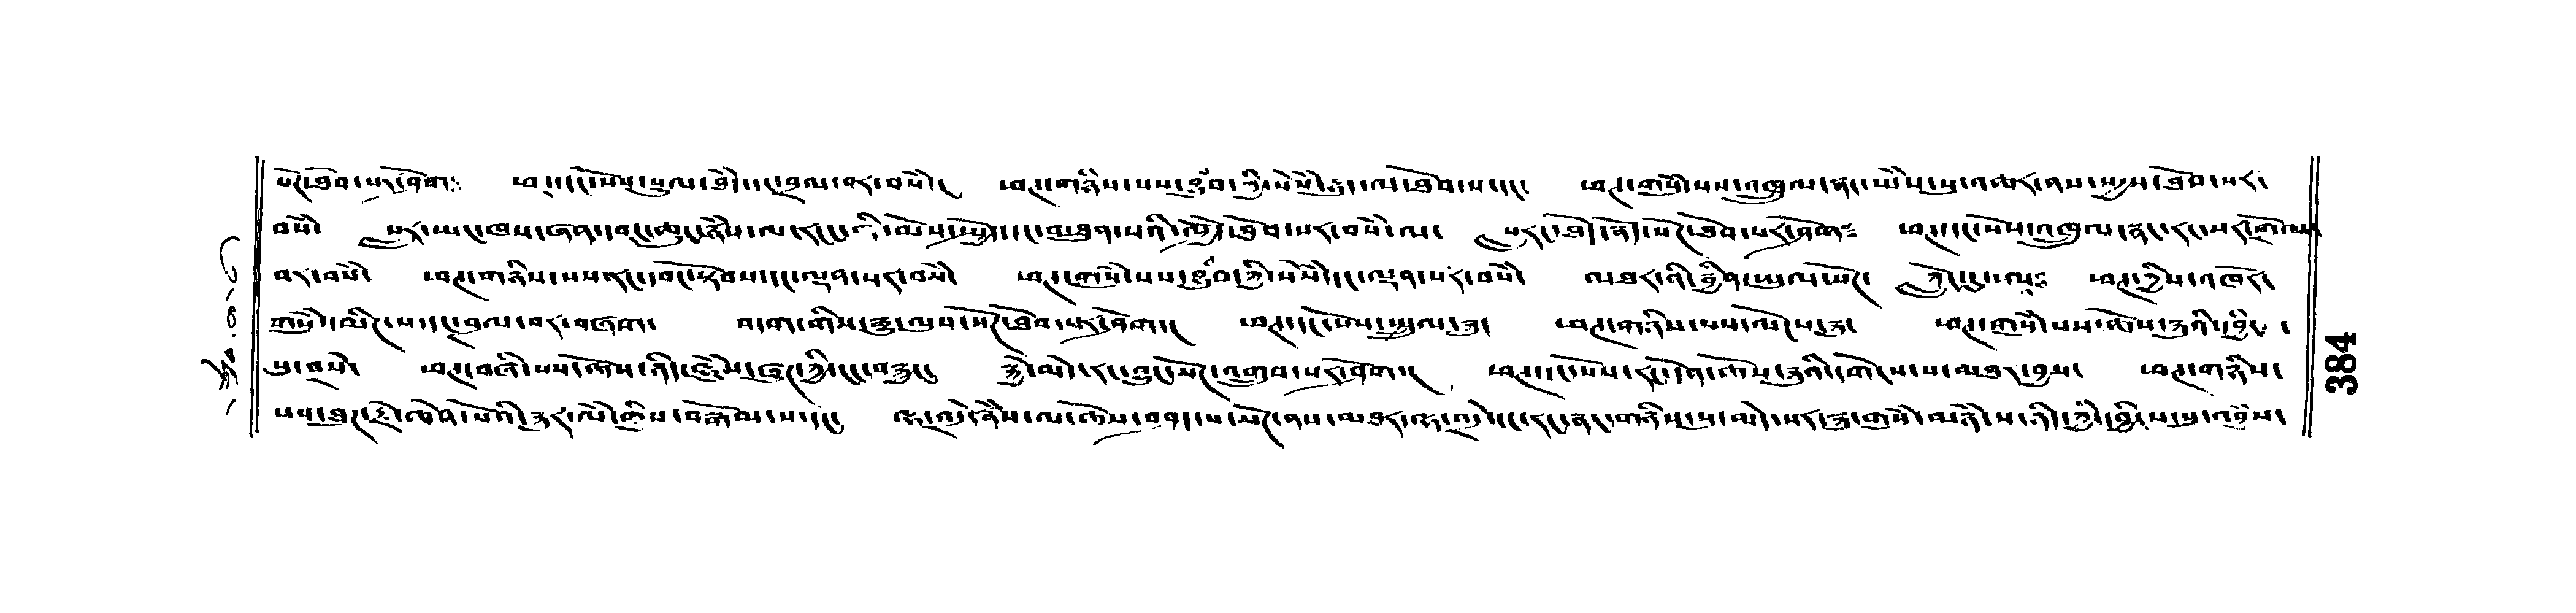སོགས། ཐོབ་པར་ཤོག༔ ཕཊ་དང་པོས་སྡུག་བསྔལ་ཐམས་ཅད་དང་བྲལ་བར་བསམ། ཕཊ་གཉིས་པས་བྱང་ཆུབ་ཀྱི་སེམས་རྒྱུད་ལ་ཐོབ་པ་དང་། ཕཊ་གསུམ་པས་འཁྲུལ་སྣང་ཡེ་ཤེས་སུ་འཆར་ནས་སངས་རྒྱས་ཐོབ་པར་
བསམ། སླར་ཡང་ཁས་ཞན་དབང་ཆུང་རྣམས་ལ་རང་རང་གི་མོས་སྤྱོད་དང་མཐུན་པའི་ལོངས་སྤྱོད་ཐོབ་པར་བསམ་ལ། སླར་ཡང་ཐོད་སྣོད་སོགས། ཐོབ་པར་ཤོག༔ ཕཊ་དང་པོས་འཁྲུལ་སྣང་རང་སར་གྲོལ་
བར་བསམ། ཕཊ་གཉིས་པས་རང་དབང་སྟོབས་དང་ལྡན་པར་བསམ། ཕཊ་གསུམ་པས་བྱང་ཆུབ་ཀྱི་སེམས་དང་ལྡན་པར་བསམ། མཐར་ནི་སྦྱིན་ཡུལ་སོགས། ཀློང་དུ་ཨཱཿ ཕཊ་ཀྱིས་འཁོར་
གསུམ་དམིགས་པ་དང་བྲལ་བར་བཞག བདག་གིས་སྒྱུ་ལུས་སོགས། ཐོབ་པར་ཤོག༔ ཕཊ་དང་པོས་སྤྲུལ་སྐུ།ཕཊ་གཉིས་པས་ལོངས་སྐུ། ཕཊ་གསུམ་པས་ཆོས་སྐུའི་དབྱིངས་
སུ་བསྲེ། ཕཊ་བཞི་པས་ཆོས་ཉིད་ལྷུམས་ཞུགས་ཀྱི་ངང་བསྐྱང་། སྐྱེ་མེད་རང་བྱུང་སོགས། འགྲུབ་པར་ཤོག༔ ཕཊ་དང་པོས་རང་དོན་ཆོས་སྐུའི་དགོངས་པ་མཐར་བྱས། ཕཊ་གཉིས་
པས་ཐུགས་རྗེ་ཆེན་པོའི་སྐུར་ལམ་གྱིས་བསྒོམ་པ་དང་། ལྷ་འདྲེ་རྣམས་ལ་ཆོས་བཤད་པ་སོགས་ནས་མཐར་ལྷ་འདྲེ་དང་རང་སྣང་གཉིས་སུ་མེད་པར་སྐུ་གསུམ་མཉམ་པ་ཉིད་ཀྱི་དབྱིངས་སུ་འབྱམས་